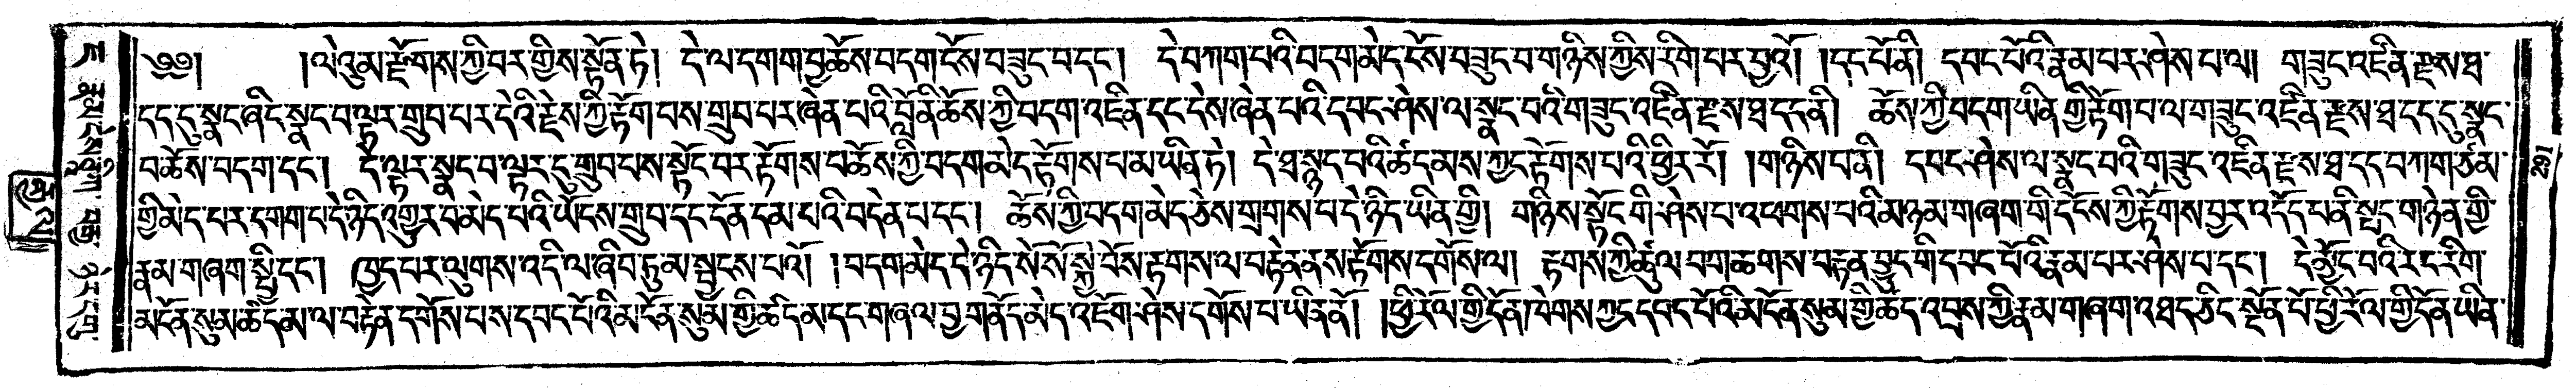༄༅། །ལེའུ་མ་རྫོགས་ཀྱི་བར་གྱིས་སྟོན་ཏེ། དེ་ལ་དགག་བྱ་ཆོས་བདག་ངོས་བཟུང་བ་དང་། དེ་བཀག་པའི་བདག་མེད་ངོས་བཟུང་བ་གཉིས་ཀྱིས་རིག་པར་བྱའོ། །དང་པོ་ནི། དབང་པོའི་རྣམ་པར་ཤེས་པ་ལ། གཟུང་འཛིན་རྫས་ཐ་
དད་དུ་སྣང་ཞིང་སྣང་བ་ལྟར་གྲུབ་པར་དེའི་རྗེས་ཀྱི་རྟོག་པས་གྲུབ་པར་ཞེན་པའི་བློ་ནི་ཆོས་ཀྱི་བདག་འཛིན་དང་དེས་ཞེན་པའི་དབང་ཤེས་ལ་སྣང་བའི་གཟུང་འཛིན་རྫས་ཐ་དད་ནི། ཆོས་ཀྱི་བདག་ཡིན་གྱི་རྟོག་པ་ལ་གཟུང་འཛིན་རྫས་ཐ་དད་དུ་སྣང་
བ་ཆོས་བདག་དང་། དེ་ལྟར་སྣང་བ་ལྟར་དུ་གྲུབ་པས་སྟོང་བར་རྟོགས་པ་ཆོས་ཀྱི་བདག་མེད་རྟོགས་པ་མ་ཡིན་ཏེ། དེ་ཐ་སྙད་པའི་ཚད་མས་ཀྱང་རྟོགས་པའི་ཕྱིར་རོ། །གཉིས་པ་ནི། དབང་ཤེས་ལ་སྣང་བའི་གཟུང་འཛིན་རྫས་ཐ་དད་བཀག་ཙམ་
གྱི་མེད་པར་དགག་པ་དེ་ཉིད་འགྱུར་བ་མེད་པའི་ཡོངས་གྲུབ་དང་དོན་དམ་པའི་བདེན་པ་དང་། ཆོས་ཀྱི་བདག་མེད་ཅེས་གྲགས་པ་དེ་ཉིད་ཡིན་གྱི། གཉིས་སྟོང་གི་ཤེས་པ་འཕགས་པའི་མཉམ་གཞག་གི་དངོས་ཀྱི་རྟོགས་བྱར་འདོད་པ་ནི་སྤང་གཉེན་གྱི་
རྣམ་གཞག་སྤྱི་དང་། ཁྱད་པར་ལུགས་འདི་ལ་ཞིབ་ཏུ་མ་སྦྱངས་པའོ། །བདག་མེད་དེ་ཉིད་སོ་སོ་སྐྱེ་བོས་རྟགས་ལ་བརྟེན་ནས་རྟོགས་དགོས་ལ། རྟགས་ཀྱི་ཚུལ་བག་ཆགས་བརྟན་བྱུང་གི་དབང་པོའི་རྣམ་པར་ཤེས་པ་དང་། དེ་མྱོང་བའི་རང་རིག་
མངོན་སུམ་ཚད་མ་ལ་བརྟེན་དགོས་པས་དབང་པོའི་མངོན་སུམ་གྱི་ཚད་མ་དང་གཞལ་བྱ་གནོད་མེད་འཇོག་ཤེས་དགོས་པ་ཡིན་ནོ། །ཕྱི་རོལ་གྱི་དོན་ཁེགས་ཀྱང་དབང་པོའི་མངོན་སུམ་གྱི་ཚད་འབྲས་ཀྱི་རྣམ་གཞག་འཐད་ཅིང་སྔོན་པོ་ཕྱི་རོལ་གྱི་དོན་ཡིན་